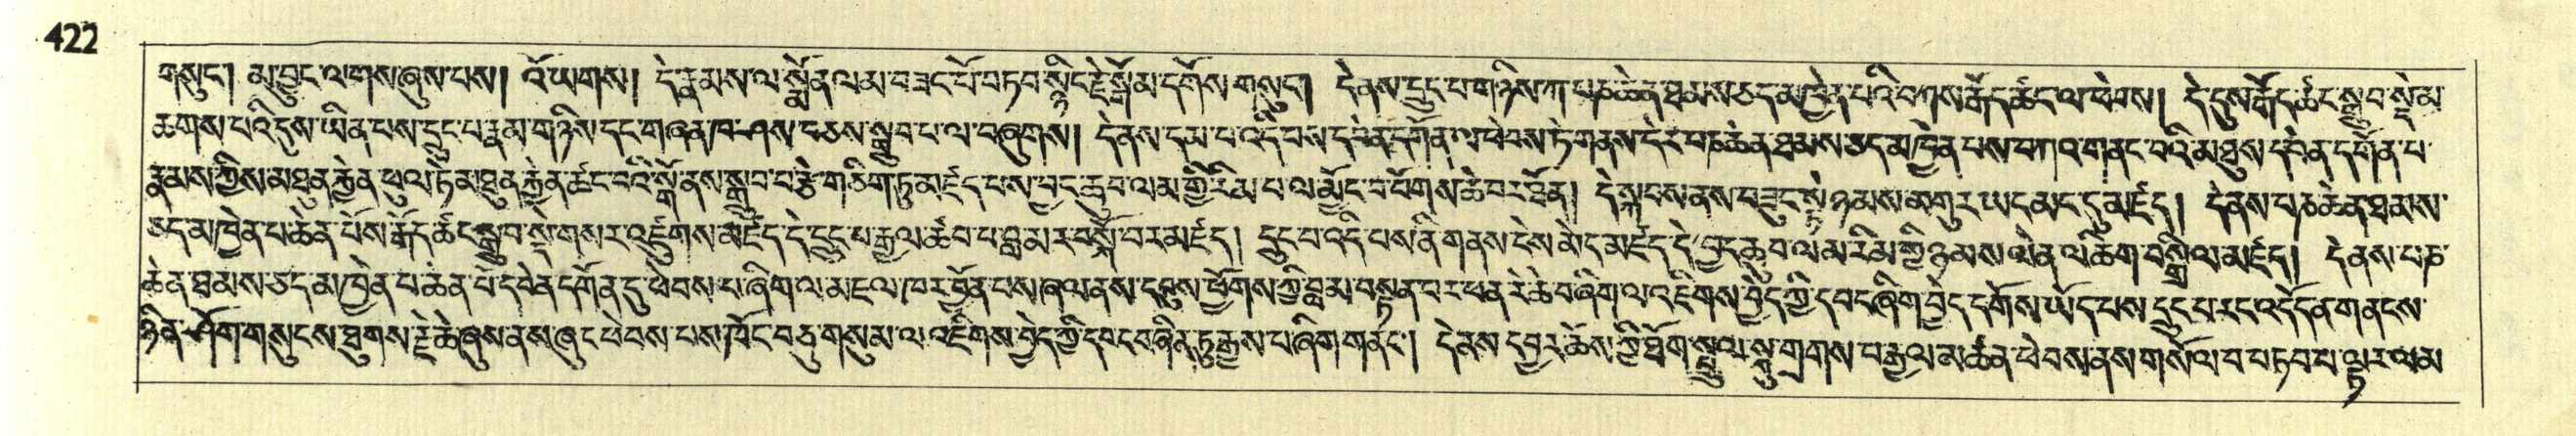གསུང་། མ་བྱུང་ལགས་ཞུས་པས། འོ་ཡགས། དེ་རྣམས་ལ་སྨོན་ལམ་བཟང་པོ་བཏབ་སྙིང་རྗེ་སྒོམ་དགོས་གསུང་། དེ་ནས་དྲུང་པ་གཉིས་ཀ་པཎ་ཆེན་ཐམས་ཅད་མཁྱེན་པའི་བཀས་རྒོད་ཚང་ལ་ཕེབས། དེ་དུས་རྒོད་ཚང་སྒྲུབ་སྡེ་མ་
ཆགས་པའི་དུས་ཡིན་པས་དྲུང་པ་རྣམ་གཉིས་དང་གཞན་ཁ་ཤས་བཅས་སྒྲུབ་པ་ལ་བཞུགས། དེ་ནས་དམ་པ་འདི་པས་དབེན་དགོན་ལ་ཕེབས་ཏེ་གནས་དེར་པཎ་ཆེན་ཐམས་ཅད་མཁྱེན་པས་བཀའ་གནང་བའི་མཐུས་དབེན་དགོན་པ་
རྣམས་ཀྱིས་མཐུན་རྐྱེན་ཕུལ་ཏེ་མཐུན་རྐྱེན་ཚང་བའི་སྒོ་ནས་སྒྲུབ་པ་རྩེ་གཅིག་ཏུ་མཛད་པས་བྱང་ཆུབ་ལམ་གྱི་རིམ་པ་ལ་མྱོང་བ་པོགས་ཆེ་བར་ཐོན། དེ་སྐབས་ནས་བཟུང་སྟེ་ཉམས་མགུར་ཡང་མང་དུ་མཛད། དེ་ནས་པཎ་ཆེན་ཐམས་
ཅད་མཁྱེན་པ་ཆེན་པོས་རྒོད་ཚང་སྒྲུབ་སྡེ་གསར་འཛུགས་མཛད་དེ་དྲུང་པ་རྒྱལ་ཚབ་པ་བླ་མར་བསྐོ་བར་མཛད། དྲུང་པ་འདི་པས་ནི་གནས་ངེས་མེད་མཛད་དེ་བྱང་ཆུབ་ལམ་རིམ་གྱི་ཉམས་ལེན་ལ་ཆིག་བསྒྲིལ་མཛད། དེ་ནས་པཎ་
ཆེན་ཐམས་ཅད་མཁྱེན་པ་ཆེན་པོ་དབེན་དགོན་དུ་ཕེབས་པ་ཞིག་ལ་མཇལ་ཁར་བྱོན་པས་ཞལ་ནས་དབུས་ཕྱོགས་ཀྱི་བླ་མ་བསྟན་པར་ཕན་རེ་ཆེ་བ་ཞིག་ལ་འཇིགས་བྱེད་ཀྱི་དབང་ཞིག་བྱེད་དགོས་ཡོད་པས་དྲུང་པ་རང་འདོད་ན་གནངས་
ཉིན་ཤོག་གསུངས་ཐུགས་རྗེ་ཆེ་ཞུས་ནས་ཞུང་ཕེབས་པས་ཁོང་བཅུ་གསུམ་ལ་འཇིགས་བྱེད་ཀྱི་དབང་བཞིན་ཏུ་རྒྱས་པ་ཞིག་གནང་། དེ་ནས་དབྱར་ཆོས་ཀྱི་ཐོག་སྤྲུལ་སྐུ་གྲགས་པ་རྒྱལ་མཚན་ཕེབས་ནས་གསོལ་བ་བཏབ་པ་ལྟར་ལམ་